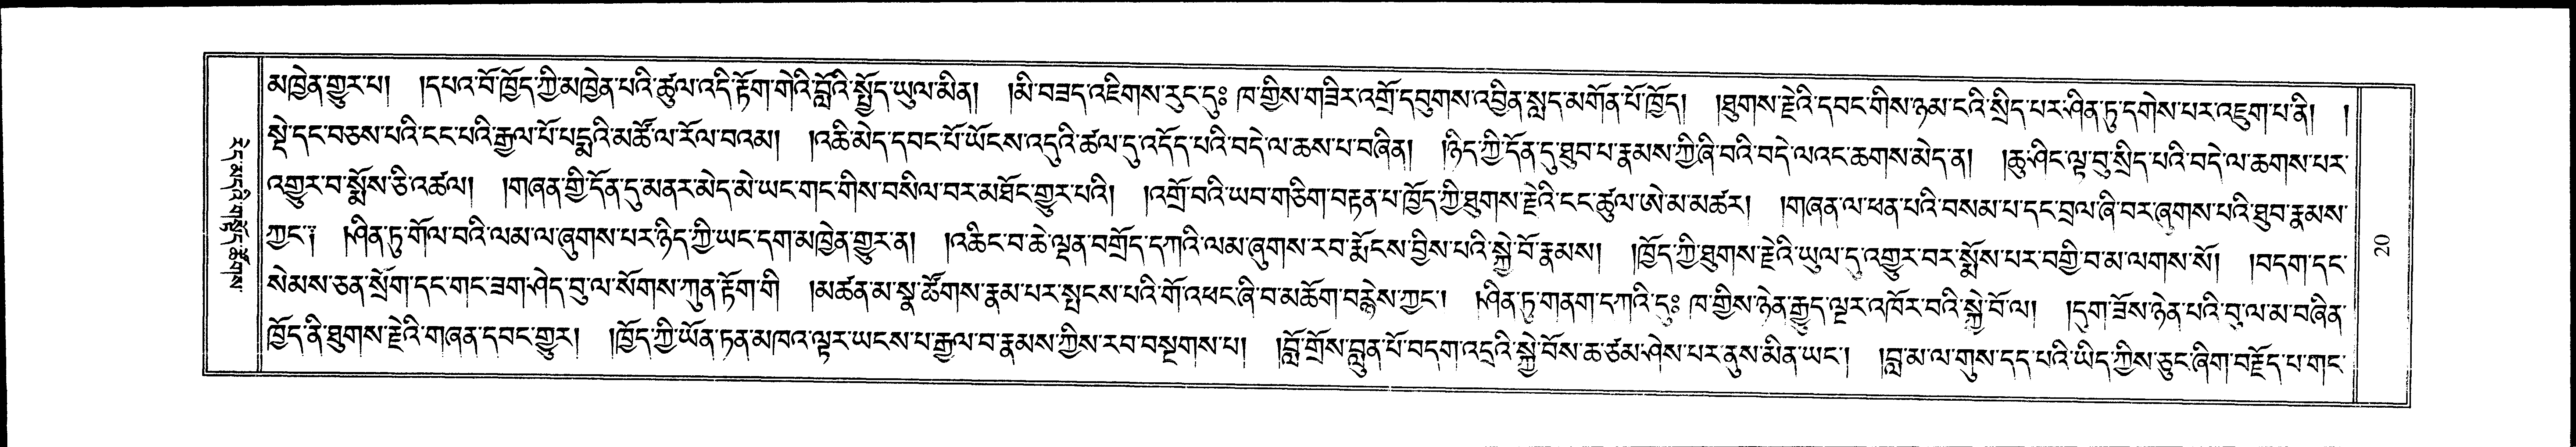མཁྱེན་གྱུར་པ། །དཔའ་བོ་ཁྱོད་ཀྱི་མཁྱེན་པའི་ཚུལ་འདི་རྟོག་གེའི་བློའི་སྤྱོད་ཡུལ་མིན། །མི་བཟད་འཇིགས་རུང་དུཿ ཁ་གྱིས་གཟིར་འགྲོ་དབུགས་འབྱིན་སླད་མགོན་པོ་ཁྱོད། །ཐུགས་རྗེའི་དབང་གིས་ཉམ་ངའི་སྲིད་པར་ཤིན་ཏུ་དགེས་པར་འཇུག་པ་ནི། །
སྡེ་དང་བཅས་པའི་ངང་པའི་རྒྱལ་པོ་པདམའི་མཚོ་ལ་རོལ་བའམ། །འཆི་མེད་དབང་པོ་ཡོངས་འདུའི་ཚལ་དུ་འདོད་པའི་བདེ་ལ་ཆས་པ་བཞིན། །ཉིད་ཀྱི་དོན་དུ་ཐུབ་པ་རྣམས་ཀྱི་ཞི་བའི་བདེ་ལའང་ཆགས་མེད་ན། །ཆུ་ཤིང་ལྟ་བུ་སྲིད་པའི་བདེ་ལ་ཆགས་པར་
འགྱུར་བ་སྨོས་ཅི་འཚལ། །གཞན་གྱི་དོན་དུ་མནར་མེད་མེ་ཡང་གང་གིས་བསིལ་བར་མཐོང་གྱུར་པའི། །འགྲོ་བའི་ཡབ་གཅིག་བརྟན་པ་ཁྱོད་ཀྱི་ཐུགས་རྗེའི་ངང་ཚུལ་ཨེ་མ་མཚར། །གཞན་ལ་ཕན་པའི་བསམ་པ་དང་བྲལ་ཞི་བར་ཞུགས་པའི་ཐུབ་རྣམས་
ཀྱང་། །ཤིན་ཏུ་གོལ་བའི་ལམ་ལ་ཞུགས་པར་ཉིད་ཀྱི་ཡང་དག་མཁྱེན་གྱུར་ན། །འཆིང་བ་ཆེ་ལྡན་བགྲོད་དཀའི་ལམ་ཞུགས་རབ་རྨོངས་བྱིས་པའི་སྐྱེ་བོ་རྣམས། །ཁྱོད་ཀྱི་ཐུགས་རྗེའི་ཡུལ་དུ་འགྱུར་བར་སྨོས་པར་བགྱི་བ་མ་ལགས་སོ། །བདག་དང་
སེམས་ཅན་སྲོག་དང་གང་ཟག་ཤེད་བུ་ལ་སོགས་ཀུན་རྟོག་གི །མཚན་མ་སྣ་ཚོགས་རྣམ་པར་སྤངས་པའི་གོ་འཕང་ཞི་བ་མཆོག་བརྙེས་ཀྱང་། །ཤིན་ཏུ་གནག་དཀའི་དུཿ ཁ་གྱིས་ཉེན་རྒྱུད་ལྔར་འཁོར་བའི་སྐྱེ་བོ་ལ། །དུག་ཟོས་ཉེན་པའི་བུ་ལ་མ་བཞིན་
ཁྱོད་ནི་ཐུགས་རྗེའི་གཞན་དབང་གྱུར། །ཁྱོད་ཀྱི་ཡོན་ཏན་མཁའ་ལྟར་ཡངས་པ་རྒྱལ་བ་རྣམས་ཀྱིས་རབ་བསྔགས་པ། །བློ་གྲོས་བླུན་པོ་བདག་འདྲའི་སྐྱེ་བོས་ཆ་ཙམ་ཤེས་པར་ནུས་མིན་ཡང་། །བླ་མ་ལ་གུས་དད་པའི་ཡིད་ཀྱིས་ཅུང་ཞིག་བརྗོད་པ་གང་